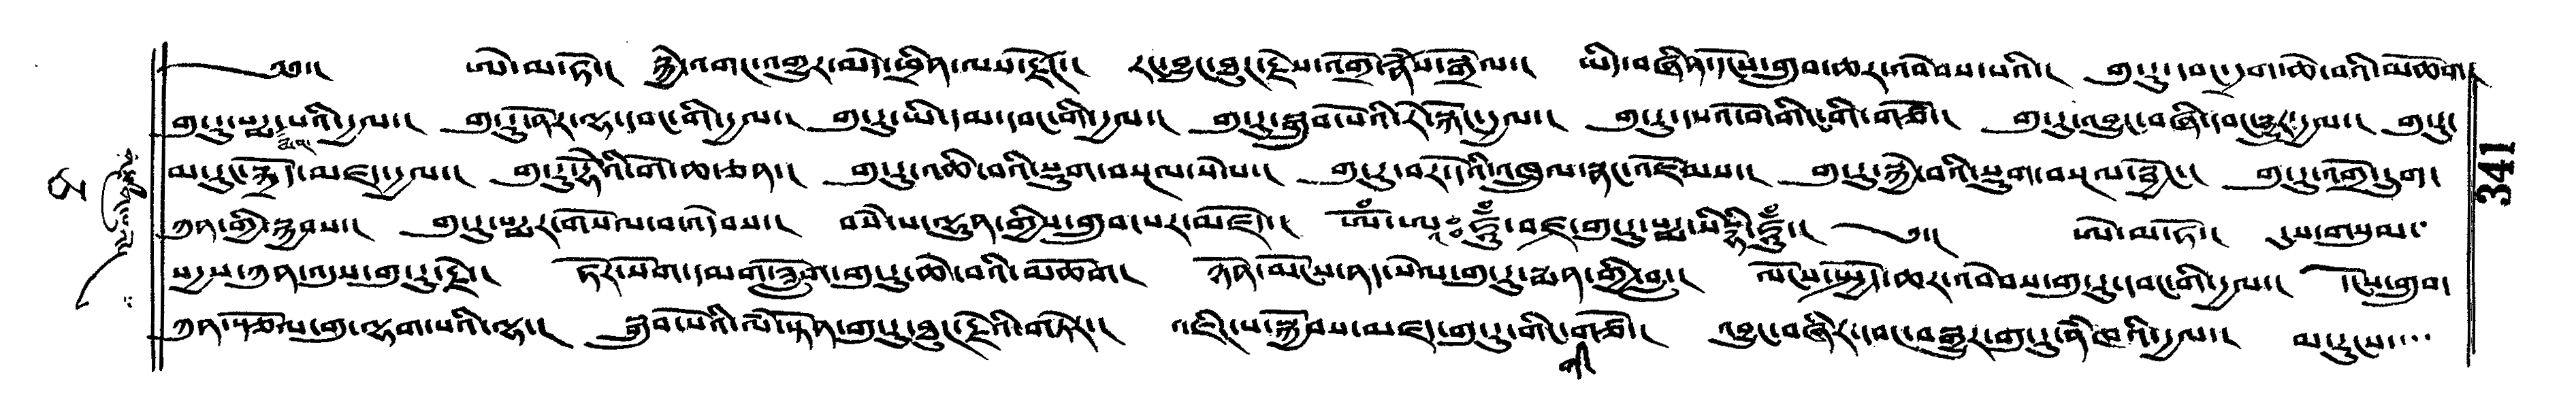༄༅། ཨེ་མ་ཧོ། སྐྱེ་འགག་འགྱུར་མེད་ཕྲིན་ལས་རྫོགས། །རང་བྱུང་ཐུགས་རྗེས་འགྲོ་རྣམས་སྒྲོལ། །ཡིད་བཞིན་དངོས་གྲུབ་ཆར་འབེབས་པའི། །གུ་རུ་དབང་དྲག་ཆེ་བའི་མཆོག །
གུ་རུ་པདྨ་སྨན་པའི་རྒྱལ། །གུ་རུ་ནོར་ལྷ་དབང་གི་རྒྱལ། །གུ་རུ་ཡི་དམ་དབང་གི་རྒྱལ། །གུ་རུ་སྒྲུབ་པོའི་རེ་སྐོང་རྒྱལ། །གུ་རུ་དཔའ་བོ་གིང་གི་གཙོ། །གུ་རུ་འབྱུང་བཞི་དབང་སྒྱུར་རྒྱལ། །གུ་རུ་
མ་རུང་སྐྲོད་མཛད་རྒྱལ། །གུ་རུ་རྡོ་རྗེའི་གོ་ཆ་ཅན། །གུ་རུ་འཆི་བའི་སྡུག་བསྔལ་སེལ། །གུ་རུ་བར་དོའི་འཁྲུལ་སྣང་འཇོམས། །གུ་རུ་སྐྱེ་བའི་སྡུག་བསྔལ་སྦྱོང་། །གུ་རུ་འགྲོ་དྲུག་
ཀུན་གྱི་སྐྱབས། །གུ་རུ་པདྨར་གསོལ་བ་འདེབས། ། བསམ་པ་ལྷུན་གྱི་གྲུབ་པར་མཛོད། ཨོཾ་ཨཱཿཧཱུྃ་བཛྲ་གུ་རུ་པདྨ་སིདྡྷི་ཧཱུྃ། ། ༄། ཨེ་མ་ཧོ། དུས་གསུམ་
སངས་རྒྱས་ཀུན་འདུས་གུ་རུ་རྗེ། །ཧོར་སོག་དམག་ཟློག་གུ་རུ་ཆེ་བའི་མཆོག །ཉོན་མོངས་ནད་སེལ་གུ་རུ་སྨན་གྱི་བླ། །ལོངས་སྤྱོད་ཆར་འབེབས་གུ་རུ་དབང་གི་རྒྱལ། །དངོས་གྲུབ་
ཀུན་སྩོལ་གུ་རུ་ལྷག་པའི་ལྷ། །སྒྲུབ་པོའི་ལམ་སྟོན་གུ་རུ་ཐུགས་རྗེའི་གཏེར། །འཇིགས་པ་སྐྱོབ་མཛད་གུ་རུ་གིང་གི་གཙོ། །འབྱུང་བཞིར་དབང་སྒྱུར་གུ་རུ་ནམ་མཁའི་རྒྱལ། །མ་རུང་